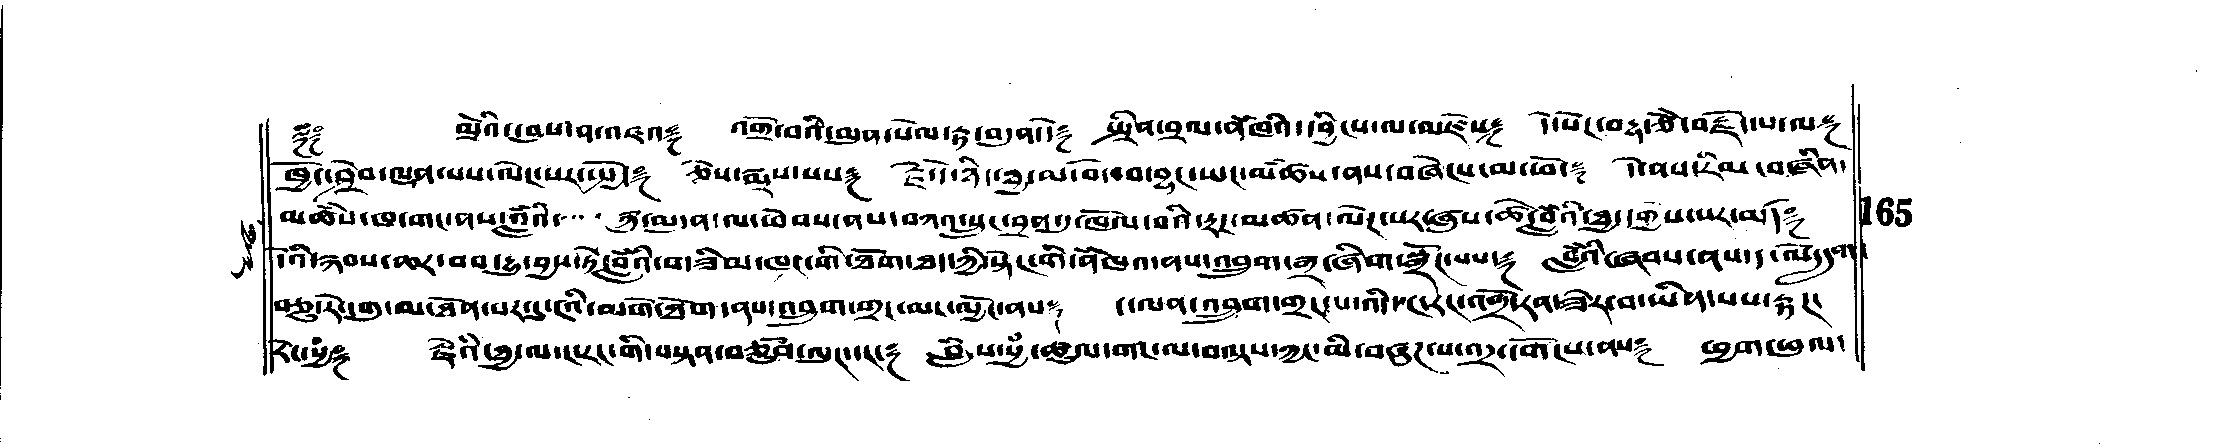མཁའ་འགྲོའི་དབུས་ན་འཛའ། །འགྲོ་བའི་མུན་སེལ་རྟ་བདུན་དེ། །སྤྲིན་བྲལ་ནམ་མཁའི་དབྱིངས་ལ་མཛེས། །དེ་སོགས་བརྡ་ཙམ་བརྗོད་པ་ལ། །
ཁྱོད་ཤེས་རབ་ལྡན་པས་ལེགས་པར་སྤྱོད༼དཔྱོད?༽། །ཅེས་སྨྲས་པས། རྗེ་དེ་ཉིད་ཐུགས་མ་བདེ་བ་བྱུང་ཡང་མཚམས་ནས་བཞེངས་མ་ཕོད། དེ་ནས་རིམ་བཞིན་
མཚམས་ཁ་གང་ནས་བླ་མའི་སྐུ་མདུན་ལ་ཕེབས་ནས་བཀའ་སྲུང་བྲན་དུ་ཁོལ་བའི་རྟགས་མཚན་ལེགས་པར་ཞུས་ཚེ་བླ་མའི་ཐུགས་དགྱེས་པར་མཛད། 
དེའི་སྐབས་ཆར་བབ་རྒྱུ་བྱས་ཏེ་བླ་མའི་གཟིམ་ཁང་གི་ཐོག་ཐད་ཀྱི་སྟེང་གི་ནམ་མཁའ་ནས་འབྲུག་སྒྲ་ཞིག་སྒྲོགས་པས། བླ་མའི་ཞབས་ནས་ད་ལོ་དྲུག་
བཅུ་རེ་དགུ་མ་ཐོན་པར་དུ་ངའི་མགོ་ཐོག་ནས་འབྲུག་གྲགས་མ་མྱོང་ནས། ད་ལན་འབྲུག་གྲགས་པ་འདི་ང་རང་འགྲོ་རན་ཟེར་བ་ཡིན་པའི་རྟགས་
རེད་གསུངས། རྗེའི་ཐུགས་ལ་ང་རང་གི་བསྟན་བཙུབ་༼ལུང་བསྟན་འཚུབ?༽ལུགས་དང་། བླ་མས་གསུང་ཚུལ་གང་ལ་བལྟས་ཀྱང་མི་བཞུགས་པ་འདྲ་དགོངས་ནས། ཕྱག་ཕུལ་